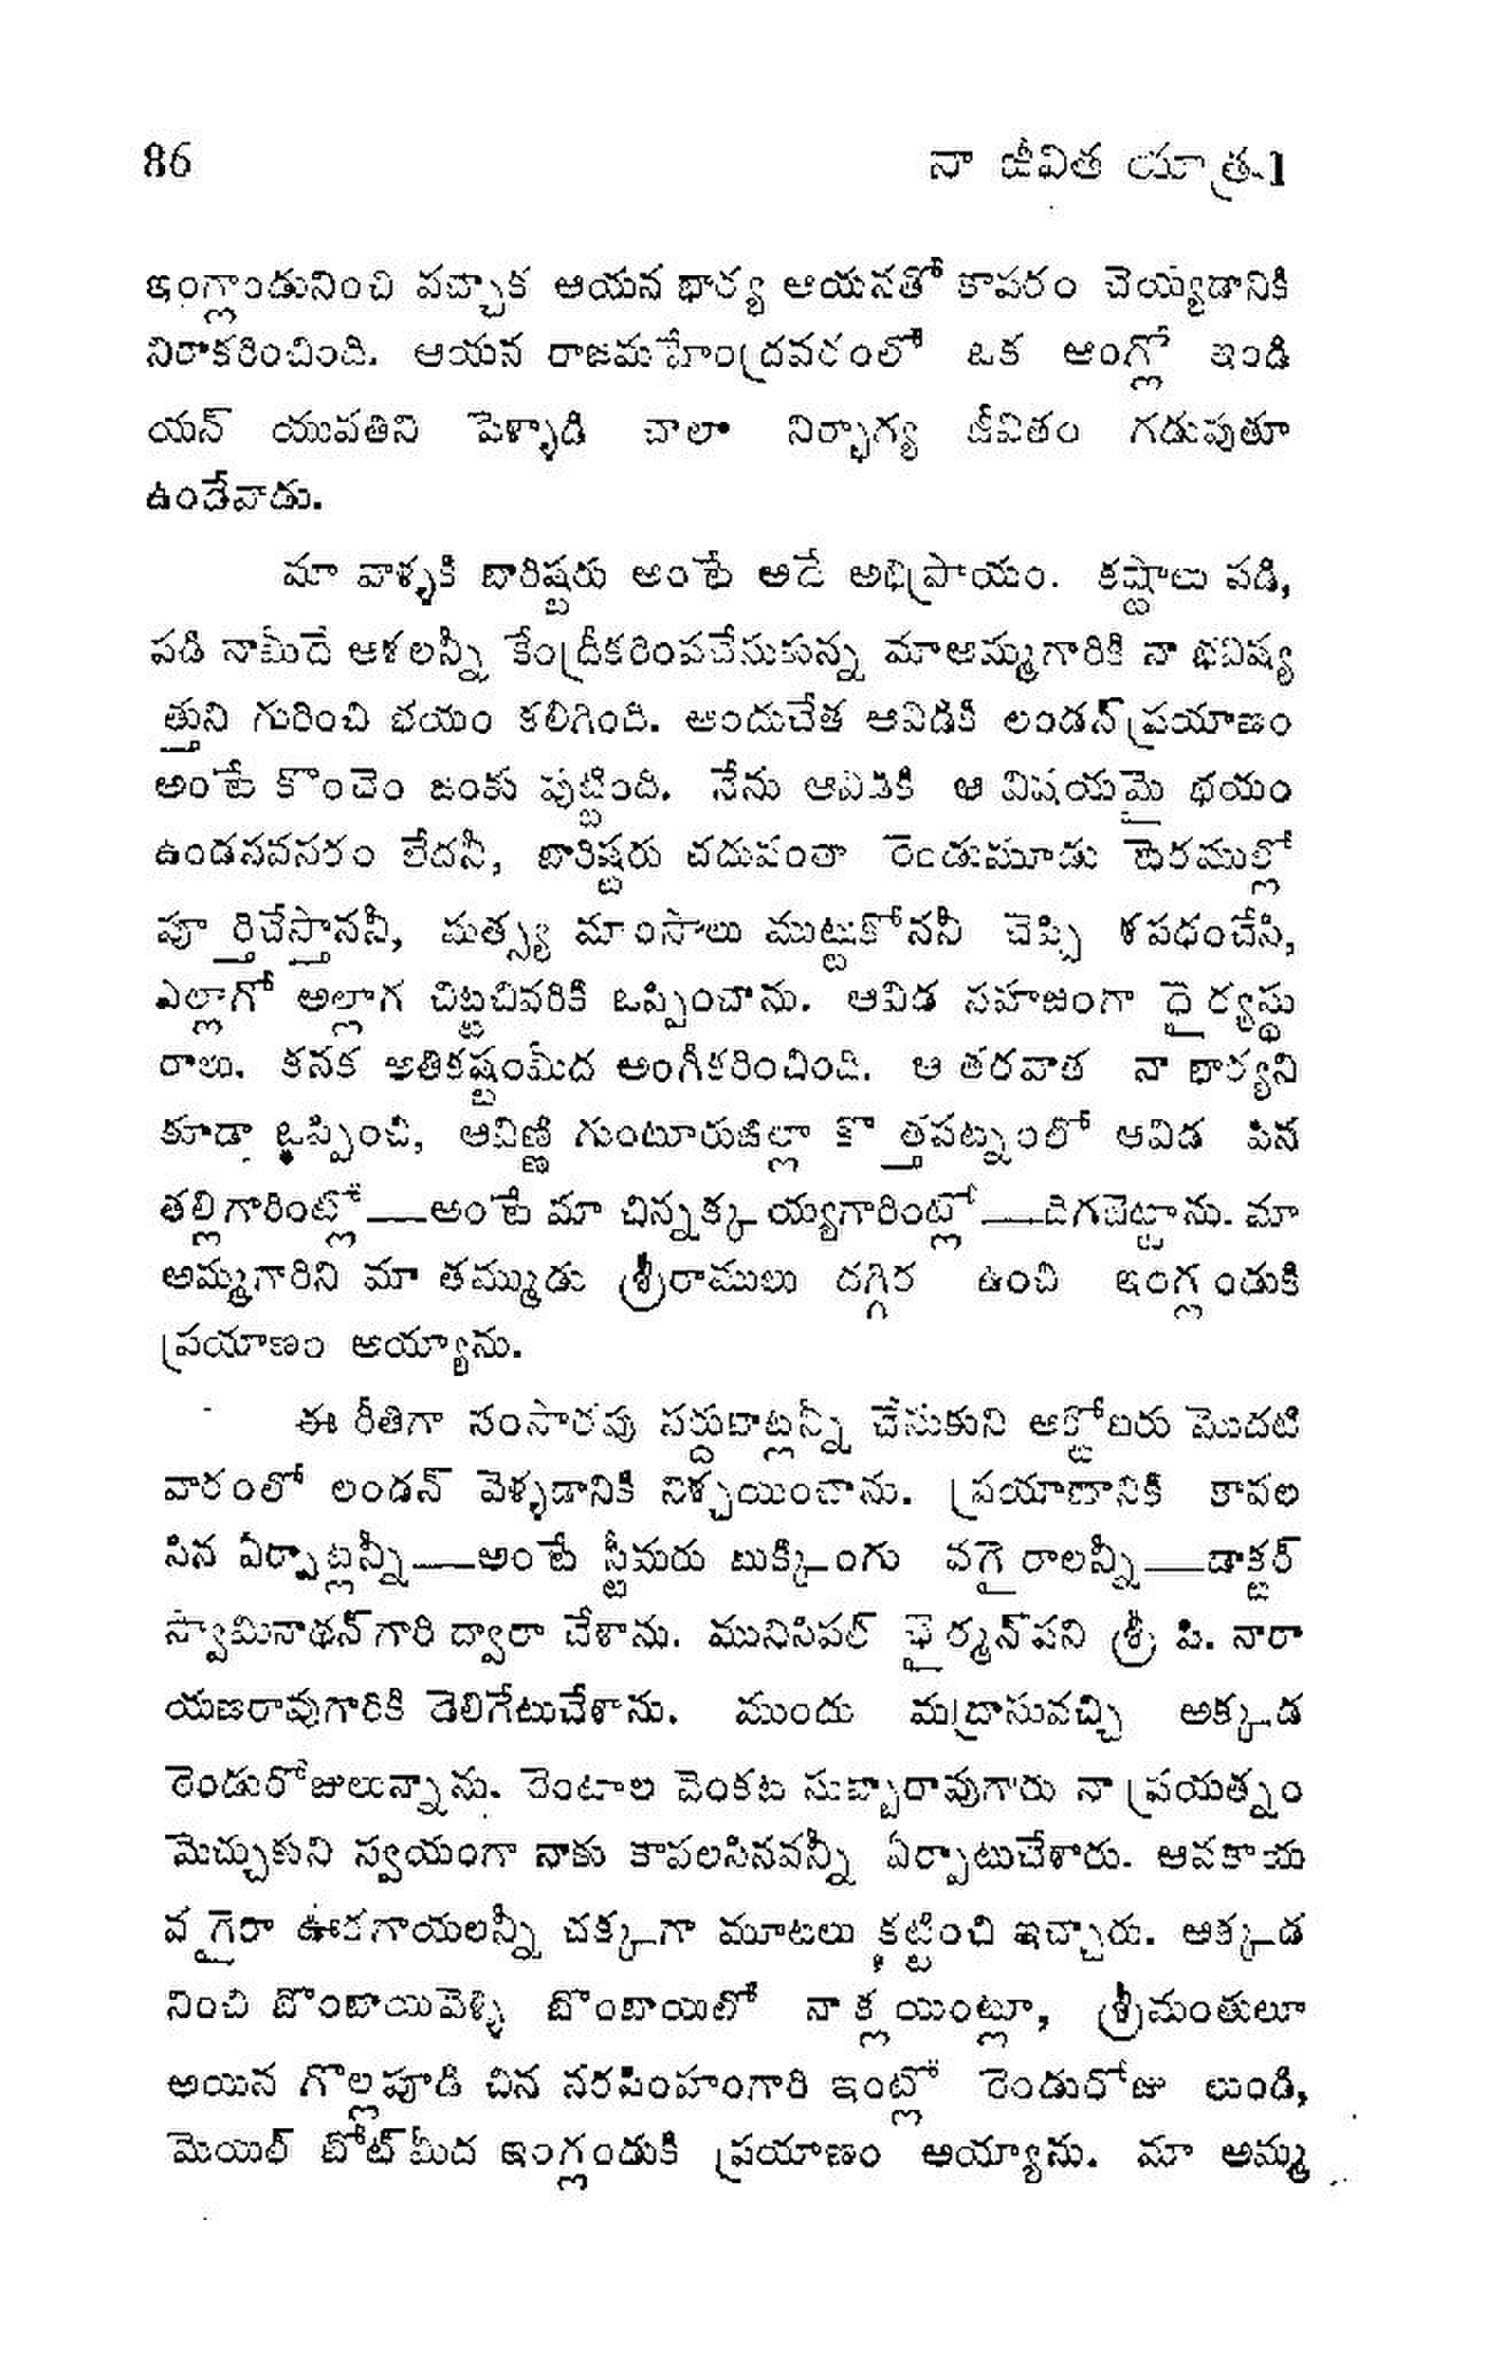ఇంగ్లాండునించి వచ్చాక ఆయన భార్య ఆయనతో కాపరం చెయ్యడానికి నిరాకరించింది. ఆయన రాజమహేంద్రవరంలో ఒక ఆంగ్లో ఇండియన్ యువతిని పెళ్ళాడి చాలా నిర్భాగ్య జీవితం గడుపుతూ ఉండేవాడు.

మా వాళ్ళకి బారిష్టరు అంటే అదే అభిప్రాయం. కష్టాలు పడి, పడి నామీదే ఆశలన్నీ కేంద్రీకరింపచేసుకున్న మాఅమ్మగారికి నా భవిష్యత్తుని గురించి భయం కలిగింది. అందుచేత ఆవిడికి లండన్‌ప్రయాణం అంటే కొంచెం జంకు పుట్టింది. నేను ఆవిడికి ఆ విషయమై భయం ఉండనవసరం లేదనీ, బారిష్టరు చదువంతా రెండుమూడు టెరముల్లో పూర్తిచేస్తాననీ, మత్స్య మాంసాలు ముట్టుకోననీ చెప్పి శపధంచేసి, ఎల్లాగో అల్లాగ చిట్టచివరికి ఒప్పించాను. ఆవిడ సహజంగా ధైర్యస్థురాలు. కనక అతికష్టంమీద అంగీకరించింది. ఆ తరవాత నా భార్యని కూడా ఒప్పించి, ఆవిణ్ణి గుంటూరుజిల్లా కొత్తపట్నంలో ఆవిడ పినతల్లిగారింట్లో - అంటే మా చిన్నక్కయ్యగారింట్లో - దిగబెట్టాను. మా అమ్మగారిని మా తమ్ముడు శ్రీరాములు దగ్గిర ఉంచి ఇంగ్లండుకి ప్రయాణం అయ్యాను.

ఈ రీతిగా సంసారపు సర్దుబాట్లన్నీ చేసుకుని అక్టోబరు మొదటి వారంలో లండన్ వెళ్ళడానికి నిశ్చయించాను. ప్రయాణానికి కావలసిన ఏర్పాట్లన్నీ - అంటే స్టీమరు బుక్కింగు వగైరాలన్నీ - డాక్టర్ స్వామినాథన్ గారి ద్వారా చేశాను. మునిసిపల్ ఛైర్మన్‌పని శ్రీ పి. నారాయణరావుగారికి డెలిగేటుచేశాను. ముందు మద్రాసువచ్చి అక్కడ రెండురోజులున్నాను. రెంటాల వెంకట సుబ్బారావుగారు నా ప్రయత్నం మెచ్చుకుని స్వయంగా నాకు కావలసినవన్నీ ఏర్పాటుచేశారు. ఆవకాయ వగైరా ఊరగాయలన్నీ చక్కగా మూటలు కట్టించి ఇచ్చారు. అక్కడ నించి బొంబాయివెళ్ళి బొంబాయిలో నా క్లయింట్లూ, శ్రీమంతులూ అయిన గొల్లపూడి చిన నరసింహంగారి ఇంట్లో రెండురోజు లుండి, మెయిల్ బోట్‌మీద ఇంగ్లండుకి ప్రయాణం అయ్యాను. మా అమ్మ